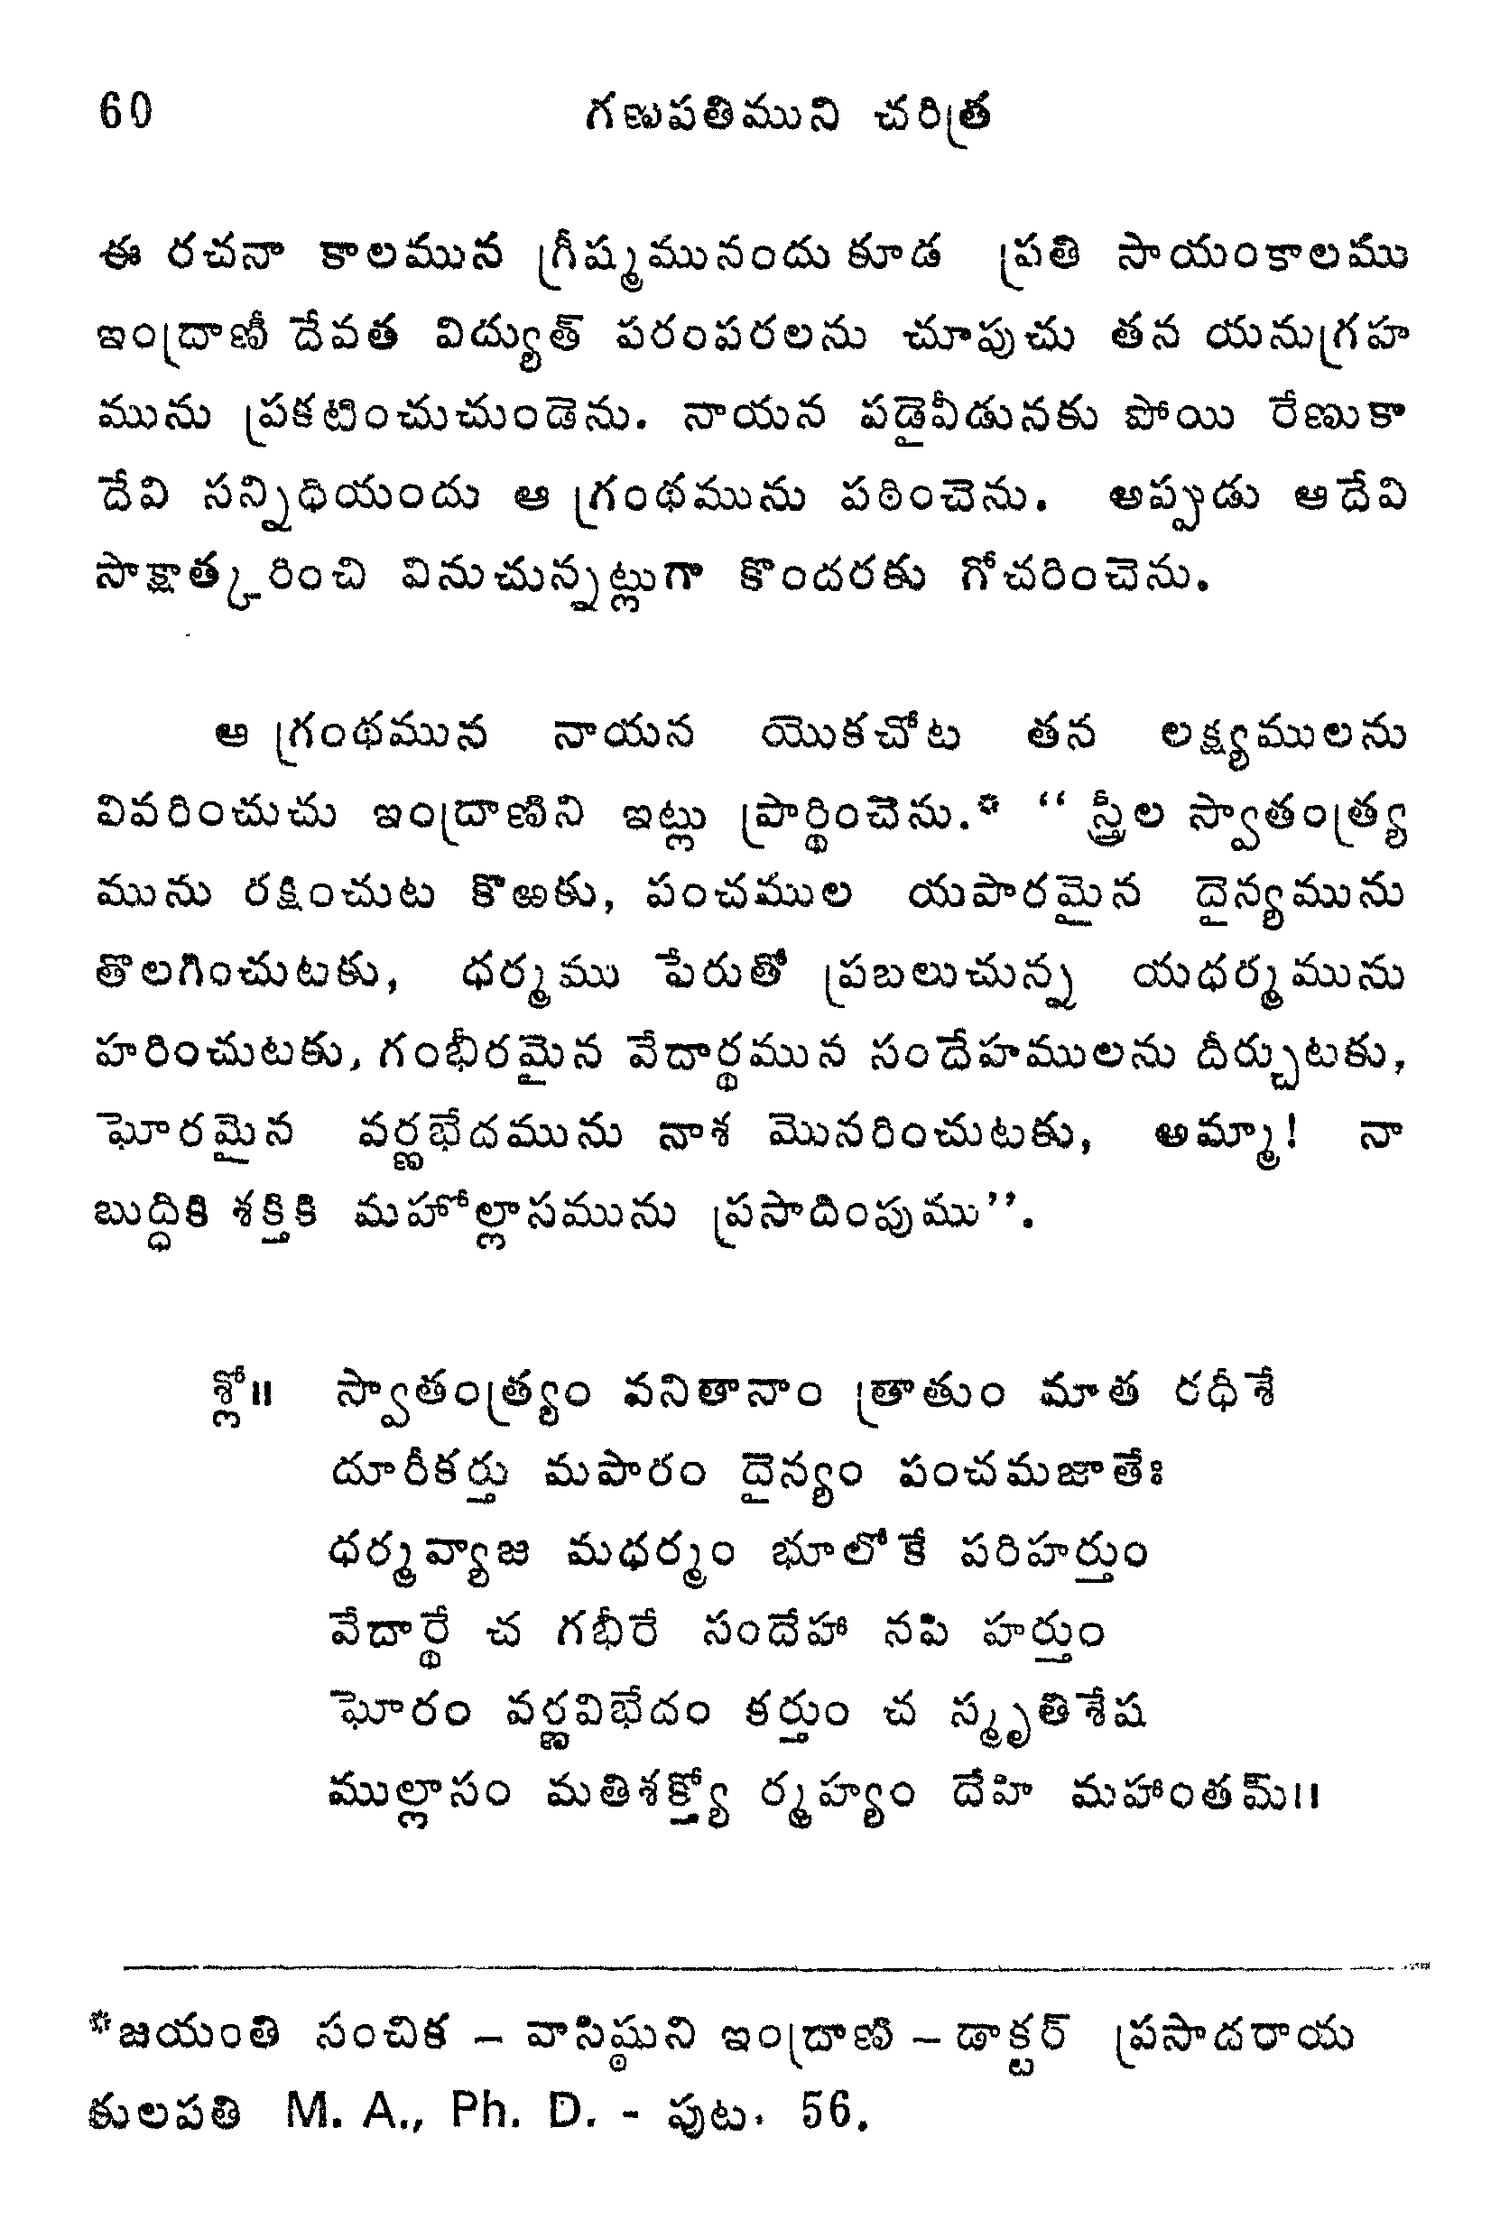ఈ రచనా కాలమున గ్రీష్మమునందు కూడ ప్రతి సాయంకాలము ఇంద్రాణి దేవత విద్యుత్ పరంపరలను చూపుచు తన యనుగ్రహమును ప్రకటించుచుండెను. నాయన పడైవీడునకు పోయి రేణుకా దేవి సన్నిధియందు ఆ గ్రంథమును పఠించెను. అప్పుడు ఆదేవి సాక్షాత్కరించి వినుచున్నట్లుగా కొందరకు గోచరించెను.

ఆ గ్రంథమున నాయన యొకచోట తన లక్ష్యములను వివరించుచు ఇంద్రాణిని ఇట్లు ప్రార్థించెను. "స్త్రీల స్వాతంత్ర్యమును రక్షించుట కొఱకు, పంచముల యపారమైన దైన్యమును తొలగించుటకు, ధర్మము పేరుతో ప్రబలుచున్న యధర్మమును హరించుటకు, గంభీరమైన వేదార్థమున సందేహములను దీర్చుటకు, ఘోరమైన వర్ణభేదమును నాశ మొనరించుటకు, అమ్మా! నా బుద్ధికి శక్తికి మహోల్లాసమును ప్రసాదింపుము".